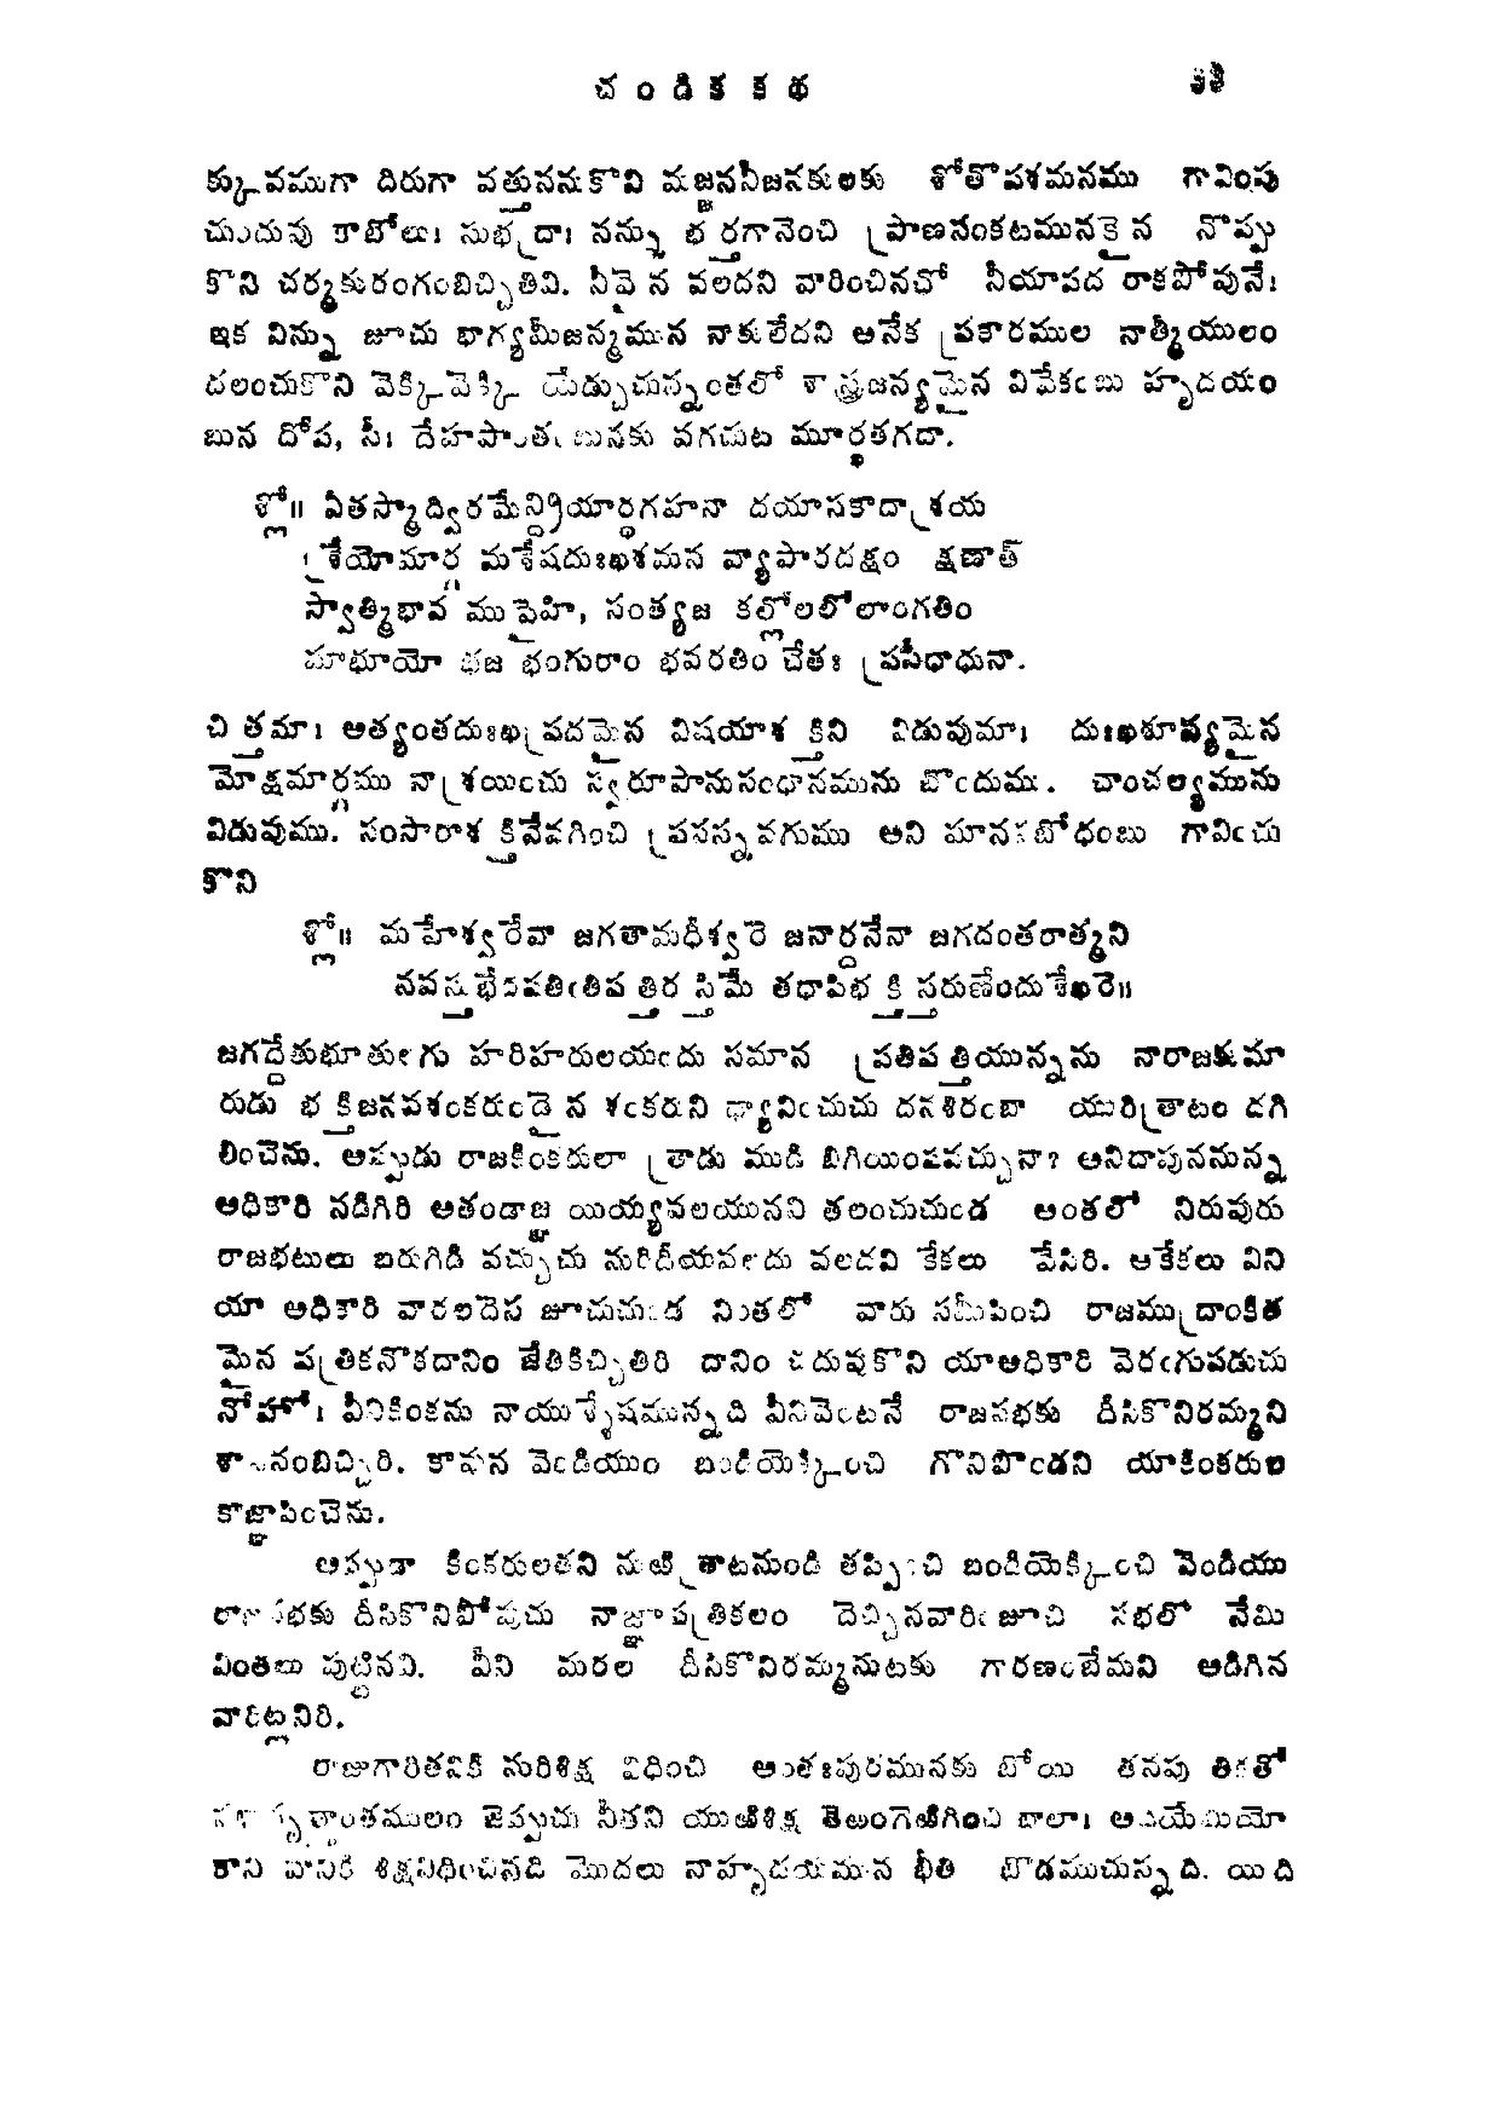క్కువముగా దిరుగా వత్తుననుకొని మజ్జననీజనకులకు శోకోపశమనము గావింపుచుందువు కాబోలు! సుభద్రా! నన్ను భర్తగానెంచి ప్రాణసంకటమునకైన నొప్పుకొని చర్మకురంగం బిచ్చితివి. నీవైన వలదని వారించినచో నీయాపద రాకపోవునే! ఇక నిన్ను జూచుభాగ్య మీజన్మమున నాకు లేదని అనేకప్రకారముల నాత్మీయులం దలంచుకొని వెక్కి వెక్కి యేడ్చుచున్నంతలో శాస్త్రజన్యమైన వివేకంబు హృదయంబున దోప, సీ! దేహపాంతంబునకు వగచుట మూర్ఖతగదా.

శ్లో॥ ఏతస్మాద్విరమేన్ద్రియార్ధగహనా దయాసకాదాశ్రయ
 శ్రేయోమార్గ మశేషదుఃఖశమన వ్యాపారదక్షం క్షణాత్
 స్వాత్మిభావ ముపైహి, సంత్యజ కల్లోలలో లాంగతిం
 మాభూయో భజ భంగురాం భవరతిం చేతః ప్రసీధాధునా.
చిత్తమా! అత్యంతదుఃఖప్రదమైన విషయాశక్తిని విడువుమా! దుఃఖశూన్యమైన మోక్షమార్గము నాశ్రయించు స్వరూపానుసంధానమును బొందుము. చాంచల్యమును విడువుము. సంసారాశక్తి నేవగించి ప్రసన్నవగుము అని మానసబోధంబు గావించుకొని

శ్లో॥ మహేశ్వ రేవా జగతామధీశ్వరె జనార్దనేనా జగదంతరాత్మని
 నవస్తుభేదపతిఁతిపత్తిరస్తిమే తథాపిభక్తిస్తరుణేందుశేఖరె ॥
జగద్దేతుభూతులగు హరిహరులయందు సమానప్రతిపత్తియున్నను నారాజకుమారుడు
భక్తిజనవశంకరుండైన శంకరుని ధ్యానించుచు దనశిరంబా యురిత్రాటం దగిలించెను. అప్పుడు రాజకింకరులా త్రాడు ముడి బిగియింపవచ్చునా? అనిదాపుననున్న అధికారి నడిగిరి అతండాజ్ఞ యియ్యవలయునని తలంచుచుండ అంతలో నిరువురు రాజభటులు బరుగిడి వచ్చుచు నురిదీయవలదు వలదని కేకలు వేసిరి. ఆకేకలు విని యా అధికారి వారలదెస జూచుచుండ నింతలో వారు సమీపించి రాజముద్రాంకితమైన పత్రికనొకదానిం జేతికిచ్చితిరి దానిం చదువుకొని యాఅధికారి వెరఁగుపడుచు నోహో! వీని కింకను నాయుశ్శేషమున్నది. వీనివెంటనే రాజసభకు దీసికొనిరమ్మని శాసనంబిచ్చిరి. కావున వెండియుం బండి యెక్కించి గొనిపొండని యాకింకరుల కాజ్ఞాపించెను.

అప్పుడా కింకరు లతని నుఱిత్రాటనుండి తప్పించి బండియెక్కించి వెండియు రాజసభకు దీసికొనిపోవుచు నాజ్ఞాపత్రికలం దెచ్చినవారిఁ జూచి సభలో నేమి వింతలు పుట్టినవి. వీని మరల దీసికొనిరమ్మనుటకు గారణంబేమని అడిగిన వారిట్లనిరి.

రాజుగా రితనికి నురిశిక్ష విధించి అంతఃపురమునకు బోయి తనపుత్రికతో సభావృత్తాంతములం జెప్పుచు నీతని యుఱిశిక్షతెఱం గెఱింగించి బాలా! అది యేమియో కాని వానికి శిక్ష విధించినది మొదలు నాహృదయుమున భీతి బొడముచున్నది. యిది